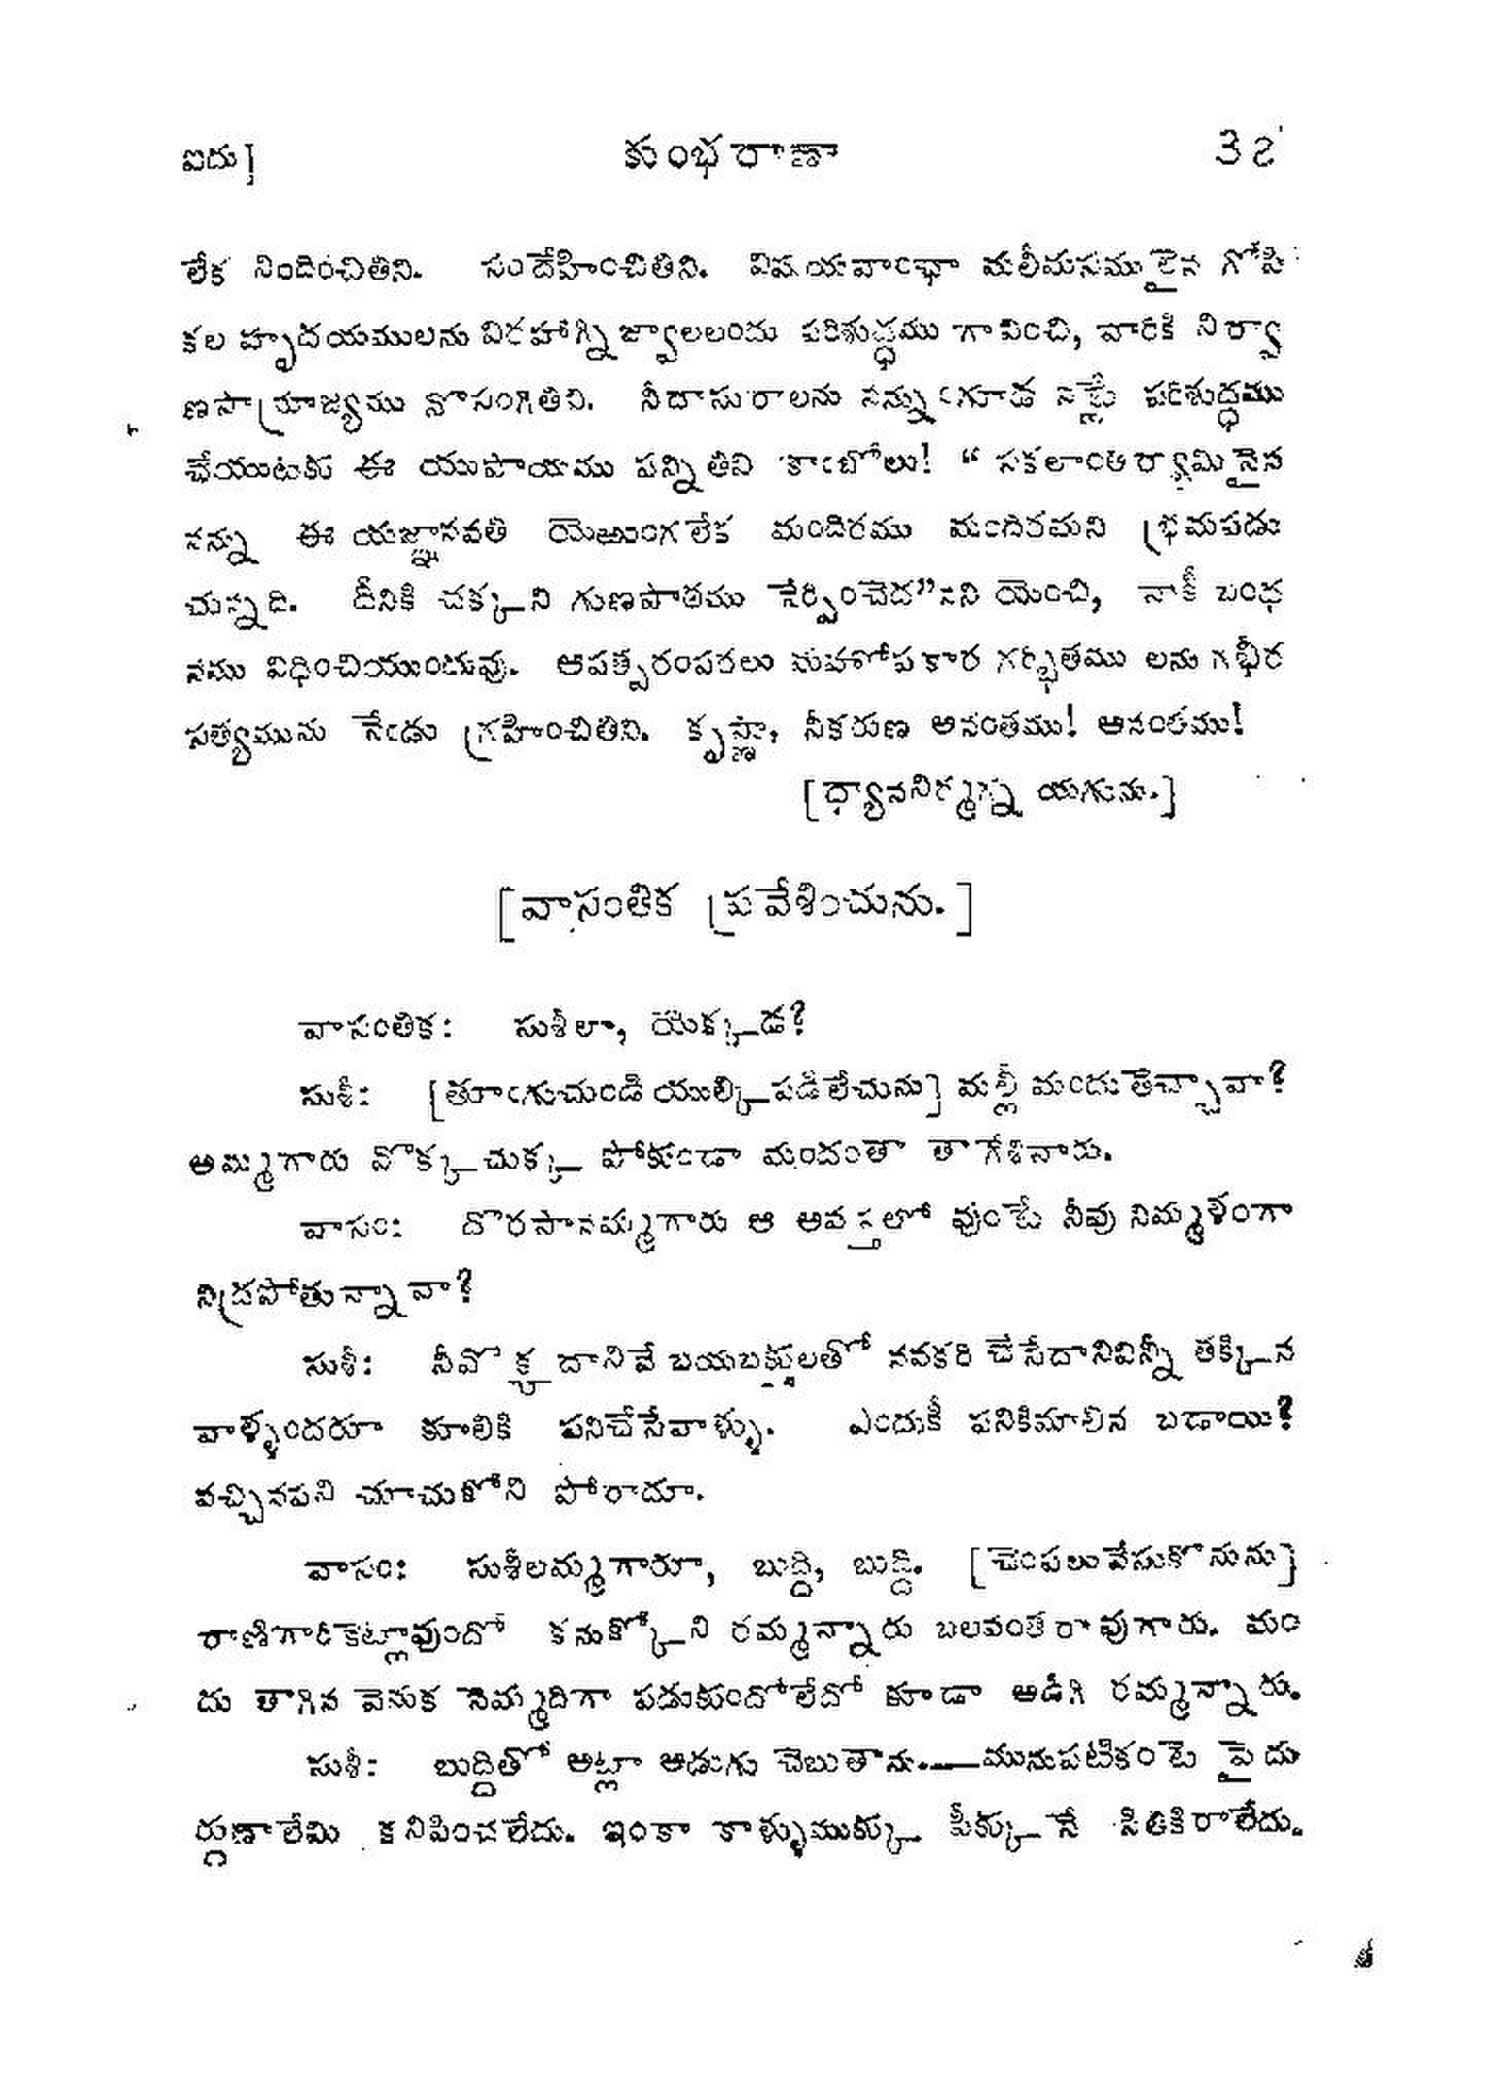లేక నిందించితిని. సందేహించితిని. విషయవాంఛా మలీమసములై గోపికల హృదయములను విరహాగ్ని జ్వాలలందు పరిశుద్ధము గావించి, వారికి నిర్వాణసామ్రాజ్యము నొసంగితివి. నీదాసురాలను నన్నుఁగూడ నట్లే పరిశుద్ధము చేయుటకు ఈ యుపాయము పన్నితివి కాఁబోలు! "సకలాంతర్యామినైన నన్ను ఈ యజ్ఞానవతి యెఱుంగలేక మందిరము మందిరమని భ్రమపడుచున్నది. దీనికి చక్కని గుణపాఠము నేర్పించెద"నని యెంచి, నాకీ బంధనము విధించియుందువు. ఆపత్పరంపరలు మహోపకార గర్భితము లను గభీర సత్యమును నేఁడు గ్రహించితిని. కృష్ణా, నీకరుణ అనంతము ! అనంతము !

వాసంతిక : సుశీలా, యెక్కడ?

సుశీ : [తూఁగుచుండి యుల్కిపడిలేచును] మల్లీ మందుతెచ్చావా ? అమ్మగారు వొక్కచుక్క పోకుండా మందంతా తాగేశినారు.

వాసం : దొరసానమ్మగారు అ అవస్తలో వుంటే నీవు నిమ్మళంగా నిద్రపోతున్నావా ?

సుశీ : నీవొక్కదానివే బయబక్తులతో నవకరి చేసేదానివిన్నీ తక్కిన వాళ్ళందరూ కూలికి పనిచేసేవాళ్ళు. ఎందుకీ పనికిమాలిన బడాయి ? వచ్చినపని చూచుకోని పోరాదూ.

వాసం : సుశీలమ్మగారూ, బుద్ది, బుద్ది. [చెంపలువేసుకొనును] రాణిగారికెట్లావుందో కనుక్కోని రమ్మన్నారు బలవంతరావుగారు. మందు తాగిన వెనుక నెమ్మదిగా పడుకుందోలేదో కూడా అడిగి రమ్మన్నారు.

సుశీ : బుద్దితో అట్లా అడుగు చెబుతాను. - మునుపటికంటె పైదుర్గుణాలేమి కనిపించలేదు. ఇంకా కాళ్ళుముక్కు పీక్కునే సితికిరాలేదు.